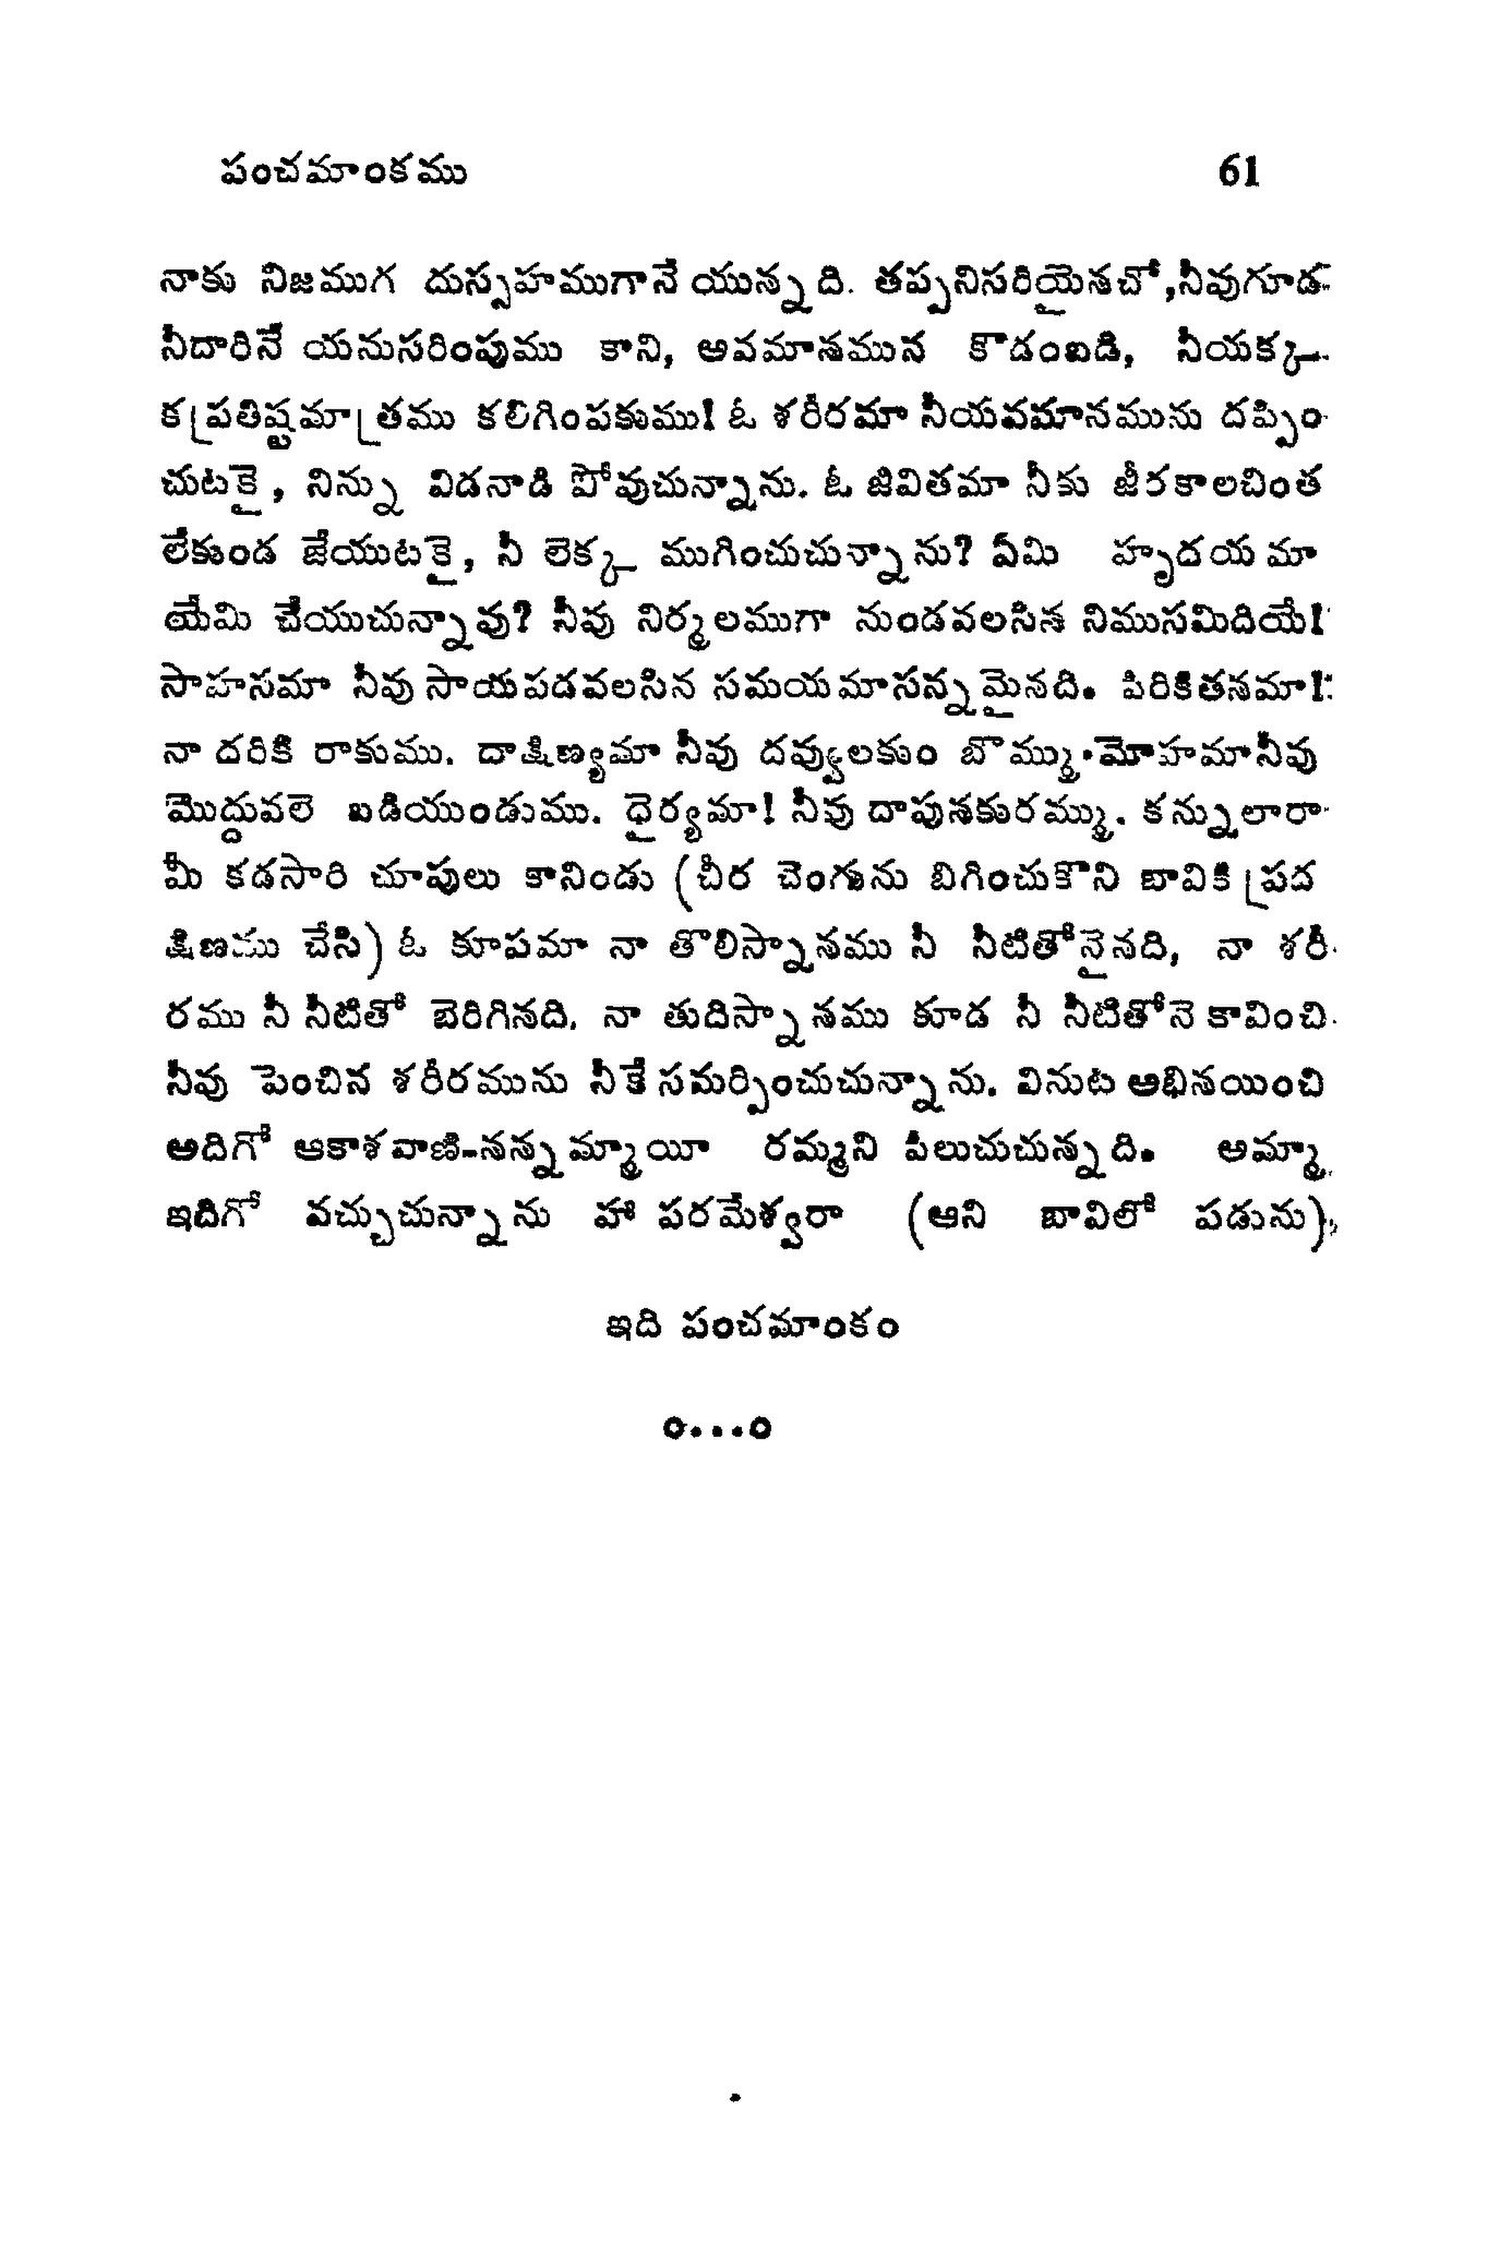నాకు నిజముగ దుస్సహముగానే యున్నది! తప్పనిసరియైనచో, నీవుగూడ నీదారినే యనుసరింపుము కాని, అవమానమున కొడంబడి, నీయక్క కప్రతిష్ఠమాత్రము కలిగింపకుము! ఓ శరీరమా నీయవమానమును దప్పించుటకై, నిన్ను విడనాడి పోవుచున్నాను. ఓ జీవితమా నీకు జిరకాలచింత లేకుండ జేయుటకై, నీ లెక్క ముగించుచున్నాను? ఏమి హృదయమా యేమి చేయుచున్నావు? నీవు నిర్మలముగా నుండవలసిన నిముసమిదియే! సాహసమా నీవుసాయపడవలసిన సమయ మాసన్నమైనది. పిరికితనమా! నా దరికి రాకుము. దాక్షిణ్యమా నీవు దవ్వులకుం బొమ్ము. మోహమానీవు మొద్దువలె బడియుండుము. ధైర్యమా! నీవు దాపునకురమ్ము. కన్నులారా మీ కడసారి చూపులు కానిండు. (చీర చెంగులు బిగించుకొని బావికి ప్రదక్షిణము చేసి) ఓ కూపమా నా తొలిస్నానము నీ నీటితోనైనది, నా శరీరము నీ నీటితో బెరిగినది. నా తుదిస్నానము కూడ నీ నీటితోనె కావించి, నీవు పెంచిన శరీరమును నీకేసమర్పించుచున్నాను! వినుట అభినయించి అదిగో! ఆకాశవాణి - నన్నమ్మాయీ రమ్మని పిలుచుచున్నది. అమ్మా! ఇదిగో వచ్చుచున్నాను. హా! పరమేశ్వరా! (అని బావిలో పడును.)